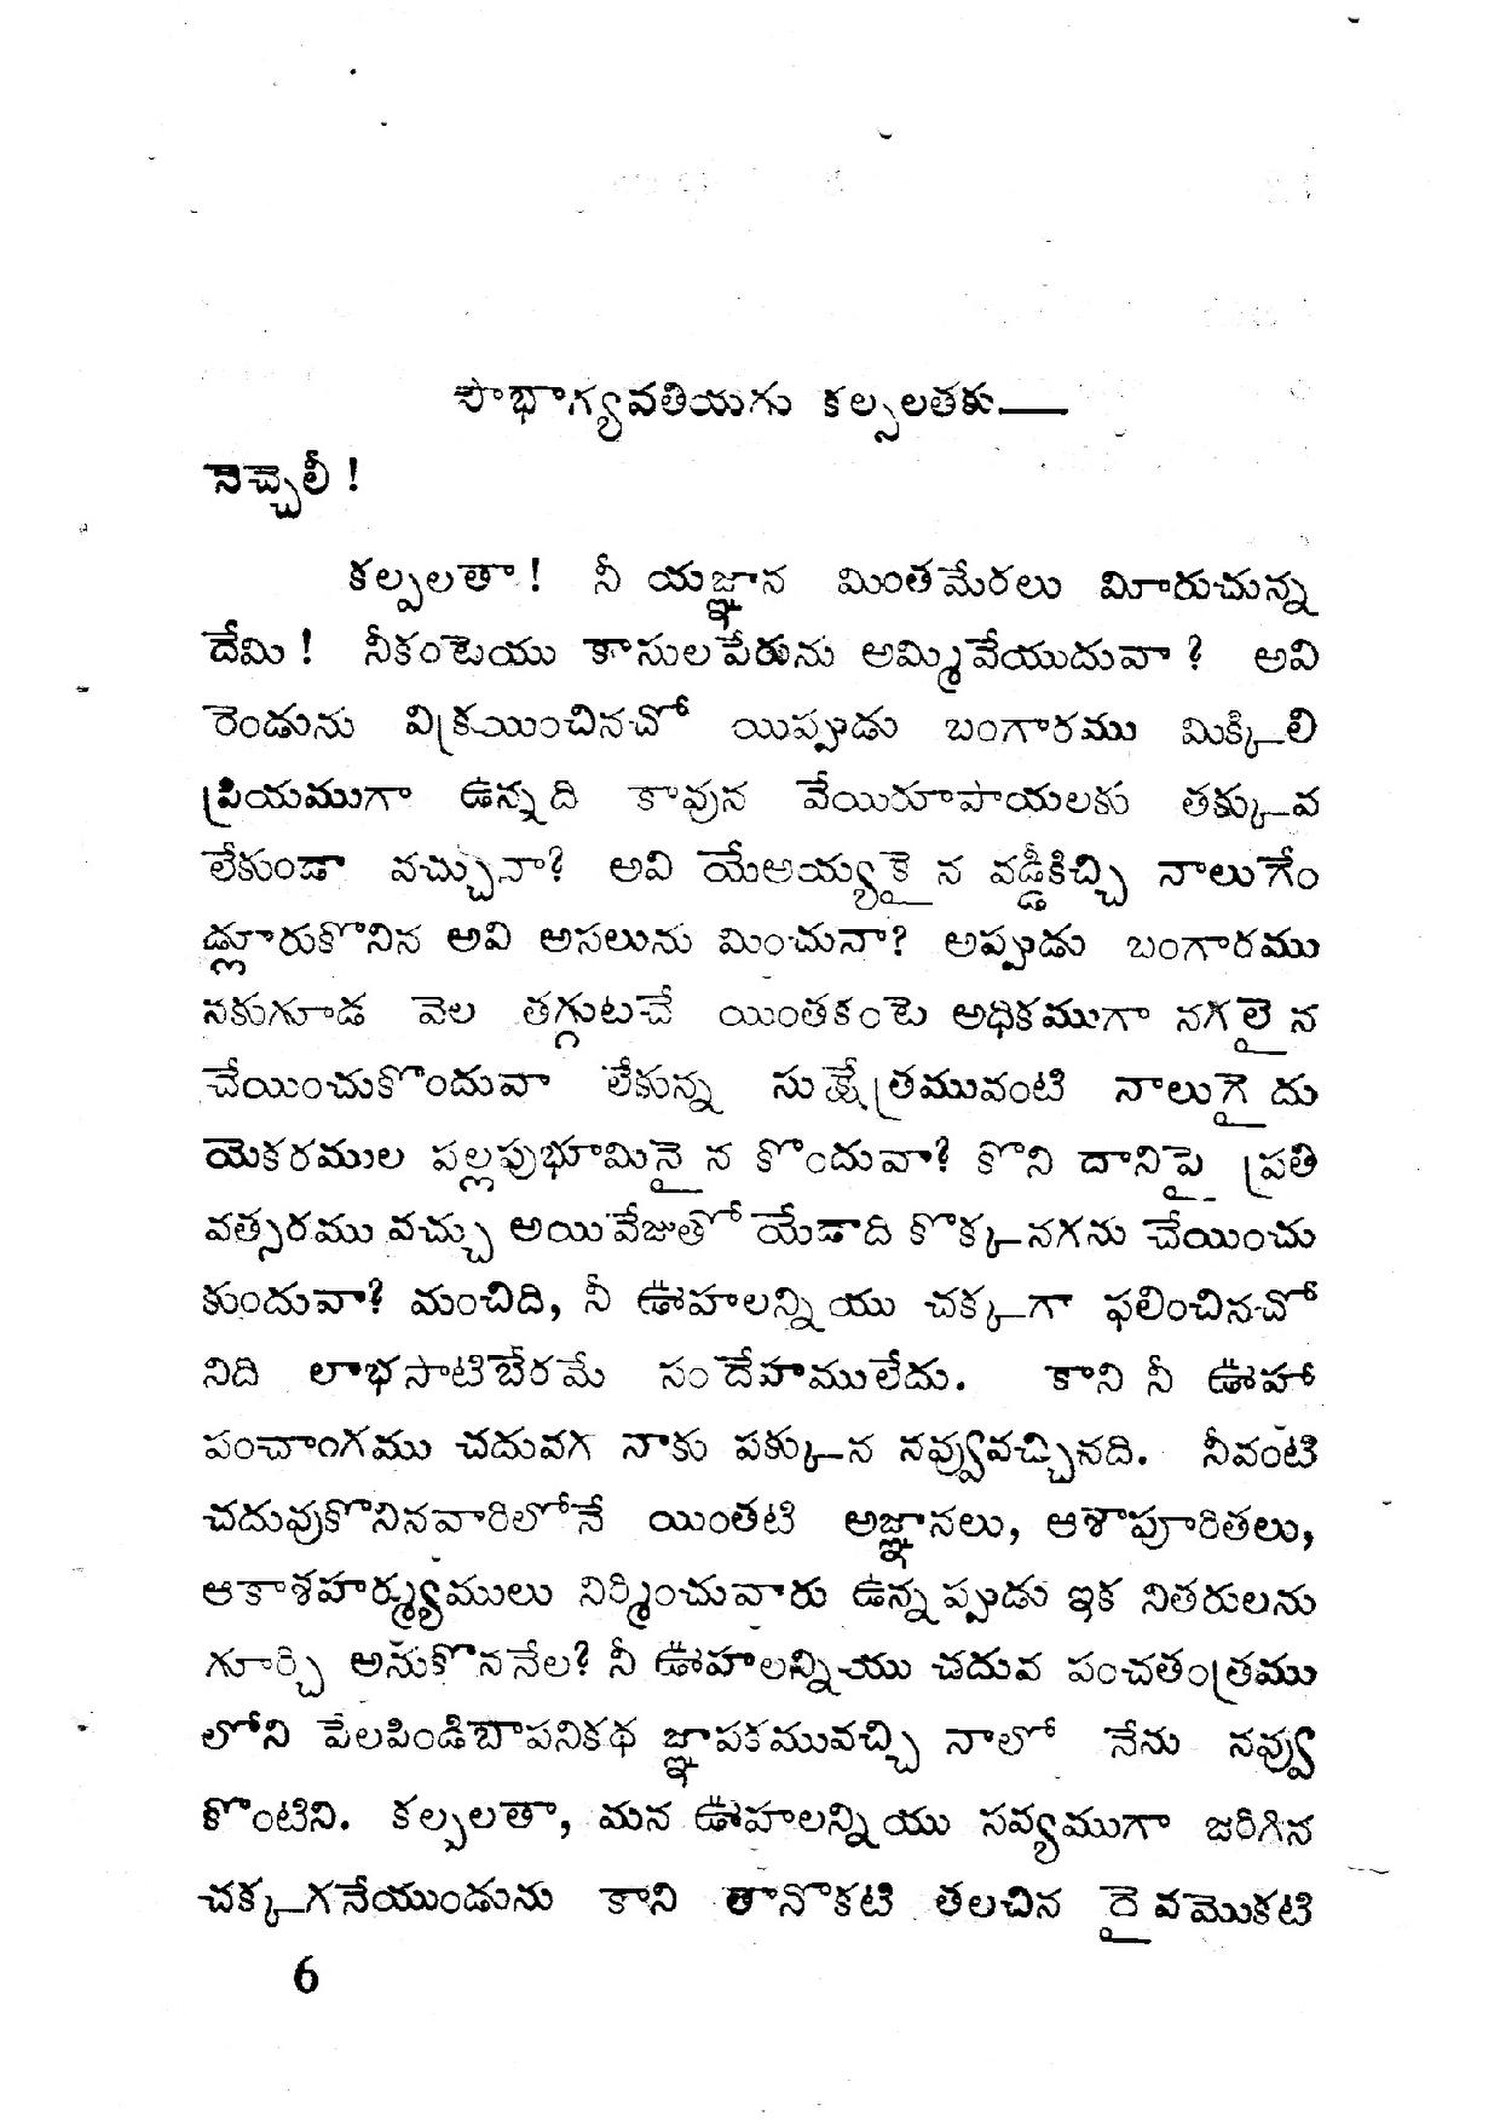నెచ్చెలీ!

కల్పలతా! నీ యజ్ఞాన మింతమేరలు మీరుచున్న
దేమి! నీకంటెయు కాసులపేరును అమ్మివేయుదువా? అవి
రెండును విక్రయించినచో యిప్పుడు బంగారము మిక్కిలి
ప్రియముగా ఉన్నది కావున వేయిరూపాయలకు తక్కువ
లేకుండా వచ్చునా? అవి యేఅయ్యకైన వడ్డీకిచ్చి నాలుగేం
డ్లూరుకొనిన అవి అసలును మించునా? అప్పుడు బంగారము
నకుగూడ వెల తగ్గుటచే యింతకంటె అధికముగా నగలైన
చేయించుకొందువా లేకున్న సుక్షేత్రమువంటి నాలుగైదు
యెకరముల పల్లపుభూమినైనకొందువా? కొని దానిపై ప్రతి
వత్సరము వచ్చు అయివేజుతో యేడాది కొక్క నగను చేయించు
కుందువా? మంచిది, నీ ఊహలన్నియు చక్కగా ఫలించినచో
నిది లాభసాటి బేరమే సందేహము లేదు. కాని నీ ఊహా
పంచాంగము చదువగ నాకు పక్కున నవ్వువచ్చినది. నీవంటి
చదువుకొనినవారిలోనే యింతటి అజ్ఞానలు, ఆశాపూరితలు,
ఆకాశహర్మ్యములు నిర్మించువారు ఉన్నప్పుడు ఇక నితరులను
గూర్చి అనుకొననేల? నీ ఊహలన్నియు చదువ పంచతంత్రము
లోని పేలపిండిబాపనికథ జ్ఞాపకమువచ్చి నాలో నేను నవ్వు
కొంటిని. కల్పలతా, మన ఊహలన్నియు సవ్యముగా జరిగిన
చక్కగనేయుండును కాని తానొకటి తలచిన దైవమొకటి
6